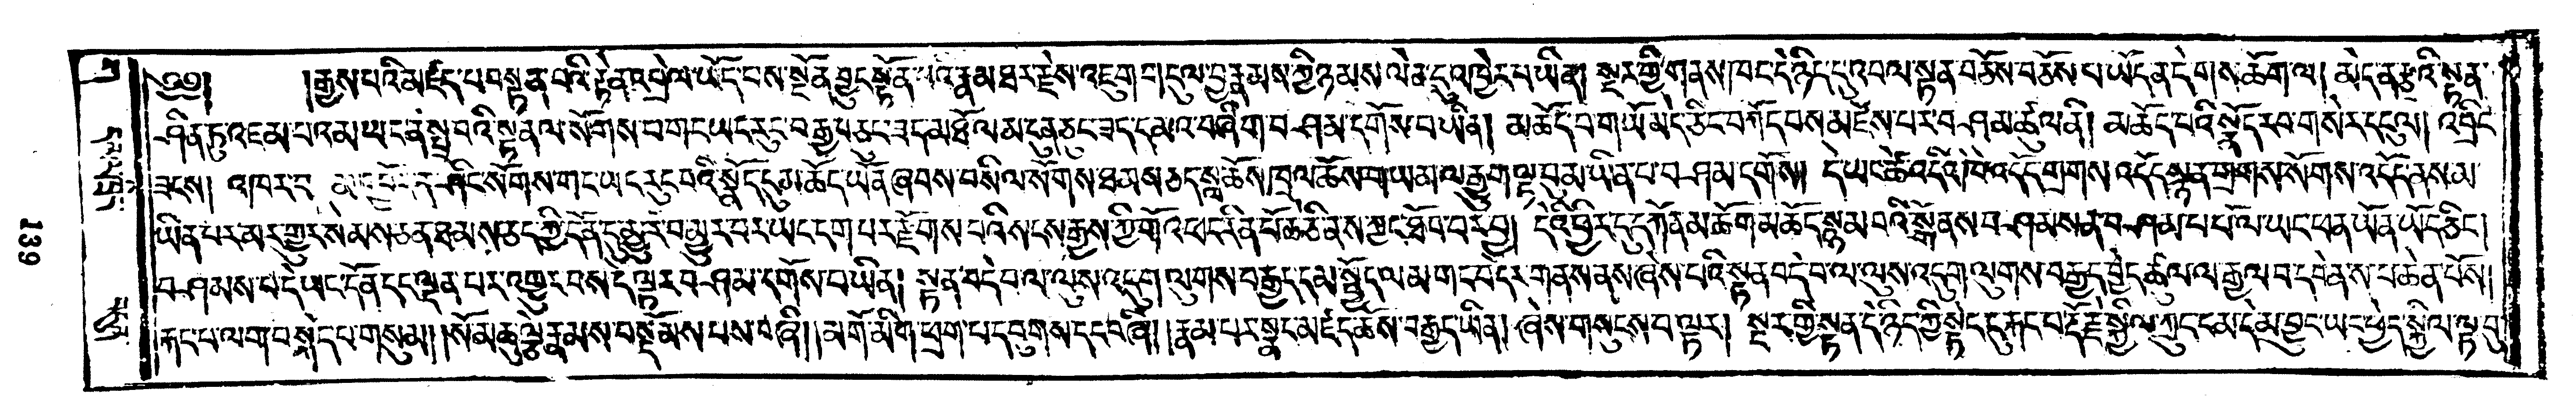༄༅། །རྒྱས་པའི་མཛད་པ་བསྟན་པའི་རྟེན་འབྲེལ་ཡོད་པས་སྔོན་བྱུང་སྟོན་པའི་རྣམ་ཐར་རྗེས་འཇུག་གདུལ་བྱ་རྣམས་ཀྱི་ཉམས་ལེན་དུ་འཁྱེར་པ་ཡིན། སྔར་གྱི་གནས་ཁང་དེ་ཉིད་དུ་འབལ་སྟན་བཅོས་བཅོས་པ་ཡོད་ན་དེ་གས་ཆོག་ལ། མེད་ན་རྩའི་སྟན་
ཤིན་ཏུ་འཇམ་པའམ་ཡང་ནི་སྤྲ་བའི་སྟན་ལ་སོགས་པ་གང་ཡང་རུང་བ་རྒྱ་བ་ཅུང་ཟད་མཐོ་ལམ་དུན་ཅུང་ཟད་དམའ་བཞི་ག་བཤམ་དགོས་པ་ཡིན། མཆོད་བ་གཡོ་མེད་ཅིང་བཀོད་པས་མཛེས་པར་བཤམ་ཚུལ་ནི། མཆོད་པའི་སྣོད་རབ་གསེར་དངུལ། འབྲིང་
ཟངས། འཁར་བདམ་འབྱོར་ར་ཤིང་སོགས་གང་ཡང་རུང་བའི་སྣོད་དུ་མཆོད་ཡོན་ཞབས་བསིལ་སོགས་ཐམས་ཅད་སླ་ཆོས་ཁྲལ་ཆོས་གཡམ་ལ་རྒྱུག་ལྟ་བུ་མ་ཡིན་པ་བཤམ་དགོས། དེ་ཡང་ཚེ་འདིའི་ཁེ་འདོད་གྲགས་འདོད་སྙམ་གེགས་སོགས་འདོད་ནས་མ་
ཡིན་པར་མར་གྱུར་སེམས་ཅན་ཐམས་ཅད་ཀྱི་དོན་དུ་མྱུར་བ་མྱུར་བར་ཡང་དག་པར་རྫོགས་པའི་སངས་རྒྱས་ཀྱི་གོ་འཕང་རིན་པོ་ཆེ་ཅི་ནས་ཀྱང་ཐོབ་པར་བྱ། དེའི་ཕྱིར་དུ་དཀོན་མཆོག་མཆོད་སྙམ་པའི་སྒོ་ནས་བཤམས་ན་བཤམ་པ་པོ་ལ་ཡང་ཕན་ཡོན་ཡོད་ཅིང་།
བཤམས་པ་དེ་ཡང་དོན་དང་ལྡན་པར་འགྱུར་བས་དེ་ལྟར་བཤམ་དགོས་པ་ཡིན། སྟན་བདེ་བ་ལ་ལུས་འདུག་ལུགས་བརྒྱད་དམ་སྤྱོད་ལམ་གང་བདེར་གནས་ནས་ཞེས་པའི་སྟན་བདེ་བ་ལ་ལུས་འདུག་ལུགས་བརྒྱད་བྱེད་ཚུལ་ལ་རྒྱལ་བ་དབེན་ས་པ་ཆེན་པོས།
རྐང་པ་ལག་བ་སྐེད་པ་གསུམ། །སོ་མཆུ་ལྕེ་རྣམས་བསྡོམས་པས་བཞི། །མགོ་མིག་ཕྲག་པ་དབུགས་དང་བཞི། །རྣམ་པར་སྣང་མཛད་ཆོས་བརྒྱད་ཡིན། ཞེས་གསུངས་བ་ལྟར། སྔར་གྱི་སྟན་དེ་ཉིད་ཀྱི་སྟེང་དུ་རྐང་བ་རྡོ་རྗེ་སྐྱིལ་ཀྲུང་ངམ་དེ་མ་བྱུང་ཡང་ཕྱེད་སྐྱིལ་ལྟ་བུ་